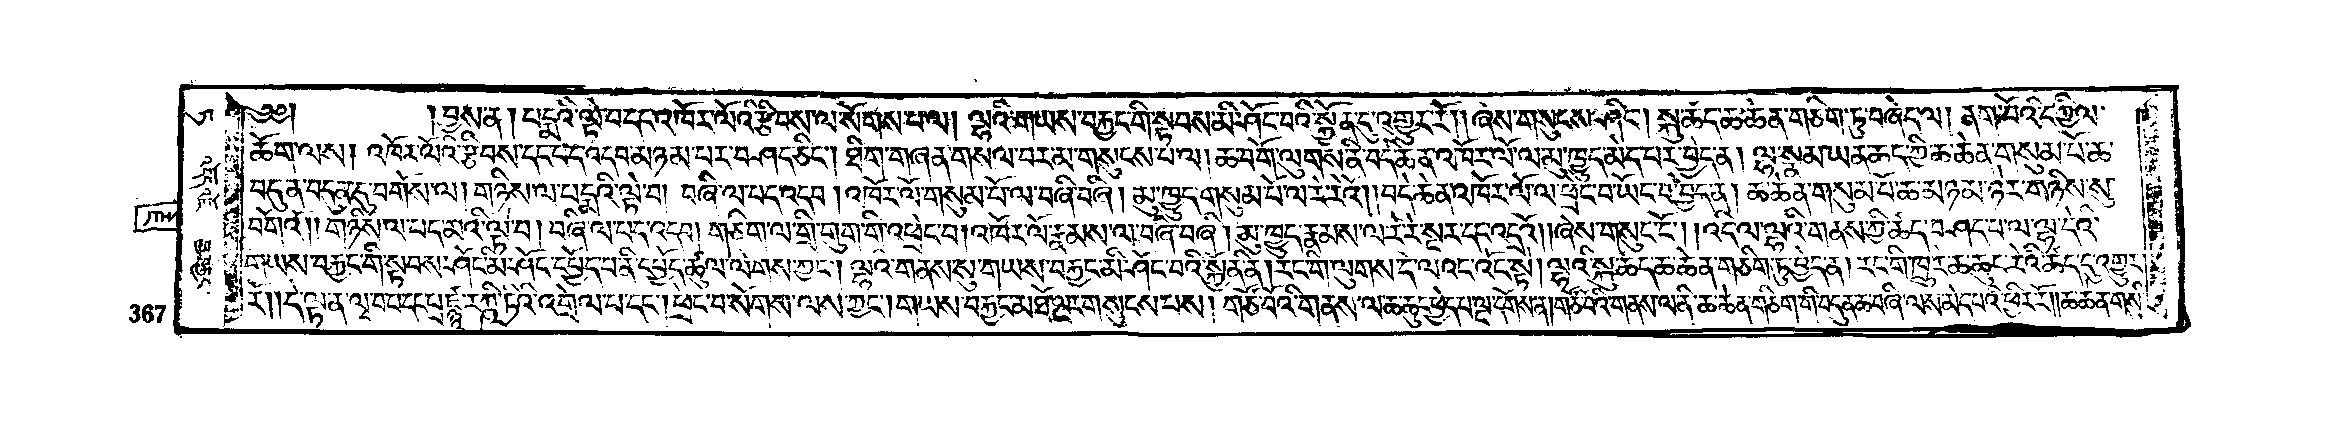༄༅། །བྱས་ན། པདམའི་ལྟེ་བ་དང་འཁོར་ལོའི་རྩིབས་ལ་སོགས་པ་ལ། ལྷའི་གཡས་བརྐྱང་གི་སྟབས་མི་ཤོང་བའི་སྐྱོན་དུ་འགྱུར་རོ། །ཞེས་གསུངས་ཤིང་། སྐུ་ཚད་ཆ་ཆེན་གཅིག་ཏུ་བཞེད་ལ། ནག་པོའི་དཀྱིལ་
ཆོག་ལས། འཁོར་ལོའི་རྩིབས་དང་པད་འདབ་མཉམ་པར་བཤད་ཅིང་། ཐིག་གཞན་གསལ་བར་མ་གསུངས་པ་ལ། ཆ་བགོ་ལུགས་ནི་བདེ་ཆེན་འཁོར་ལོ་ལ་མུ་ཁྱུད་མེད་པར་བྱེད་ན། ལྷ་སྣམ་ཡན་ཆད་ཀྱི་ཆ་ཆེན་གསུམ་པོ་ཆ་
བདུན་བདུན་དུ་བགོས་ལ། གཉིས་པ་པདམའི་ལྟེ་བ། བཞི་ལ་པད་འདབ། འཁོར་ལོ་གསུམ་པོ་ལ་བཞི་བཞི། མུ་ཁྱུད་གསུམ་པོ་ལ་རེ་རེའོ། །བདེ་ཆེན་འཁོར་ལོ་ལ་ཕྲེང་བ་ཡོང་བ་བྱེད་ན། ཆ་ཆེན་གསུམ་པོ་ཆ་མཉམ་ཉེར་གཉིས་སུ་
བགོའོ། །གཉིས་ལ་པད་མའི་ལྟེ་བ། བཞི་ལ་པད་འདབ། གཅིག་ལ་གྲི་གུག་གི་འཕྲེང་བ། འཁོར་ལོ་རྣམས་ལ་བཞི་བཞི། མུ་ཁྱུད་རྣམས་ལ་རེ་རེ་སྔར་དང་འདྲའོ། །ཞེས་གསུང་ངོ། །འདི་ལ་ལྷའི་གནས་ཀྱི་ཚད་བཤད་པ་ལ་ལྷ་དེའི་
གཡས་བརྐྱང་གི་སྟབས་ཤོང་མི་ཤོང་དཔྱོད་པ་ནི་དཔྱོད་ཚུལ་ལེགས་ཀྱང་། ལྷའི་གནས་སུ་གཡས་བརྐྱང་མི་ཤོང་བའི་སྐྱོན་ནི། རང་གི་ལུགས་དེ་ལའང་འོང་སྟེ། ལྷའི་སྐུ་ཚད་ཆ་ཆེན་གཅིག་ཏུ་བྱེད་ན། རང་གི་ཁྲུ་རེ་ཆ་ཆུང་རེའི་ཚད་དུ་འགྱུར་
རོ། །དེ་ལྟ་ན་ལྭ་བ་པ་དང་པྲཛྙཱ་རཀྵི་ཏིའི་འགྲེལ་པ་དང་། ཕྲེང་བ་སོགས་ལས་ཀྱང་། གཡས་བརྐྱང་མཐོ་ལྔར་གསུངས་པས། གཙོ་བོའི་གནས་ལ་ཆ་ཆུང་ཕྱེད་པ་ལྔ་དགོས་ན། གཙོ་བོའི་གནས་ལ་ནི་ཆ་ཆེན་གཅིག་གི་བདུན་ཆ་བཞི་ལས་མེད་པའི་ཕྱིར་རོ། །ཆ་ཆེན་གསུམ་